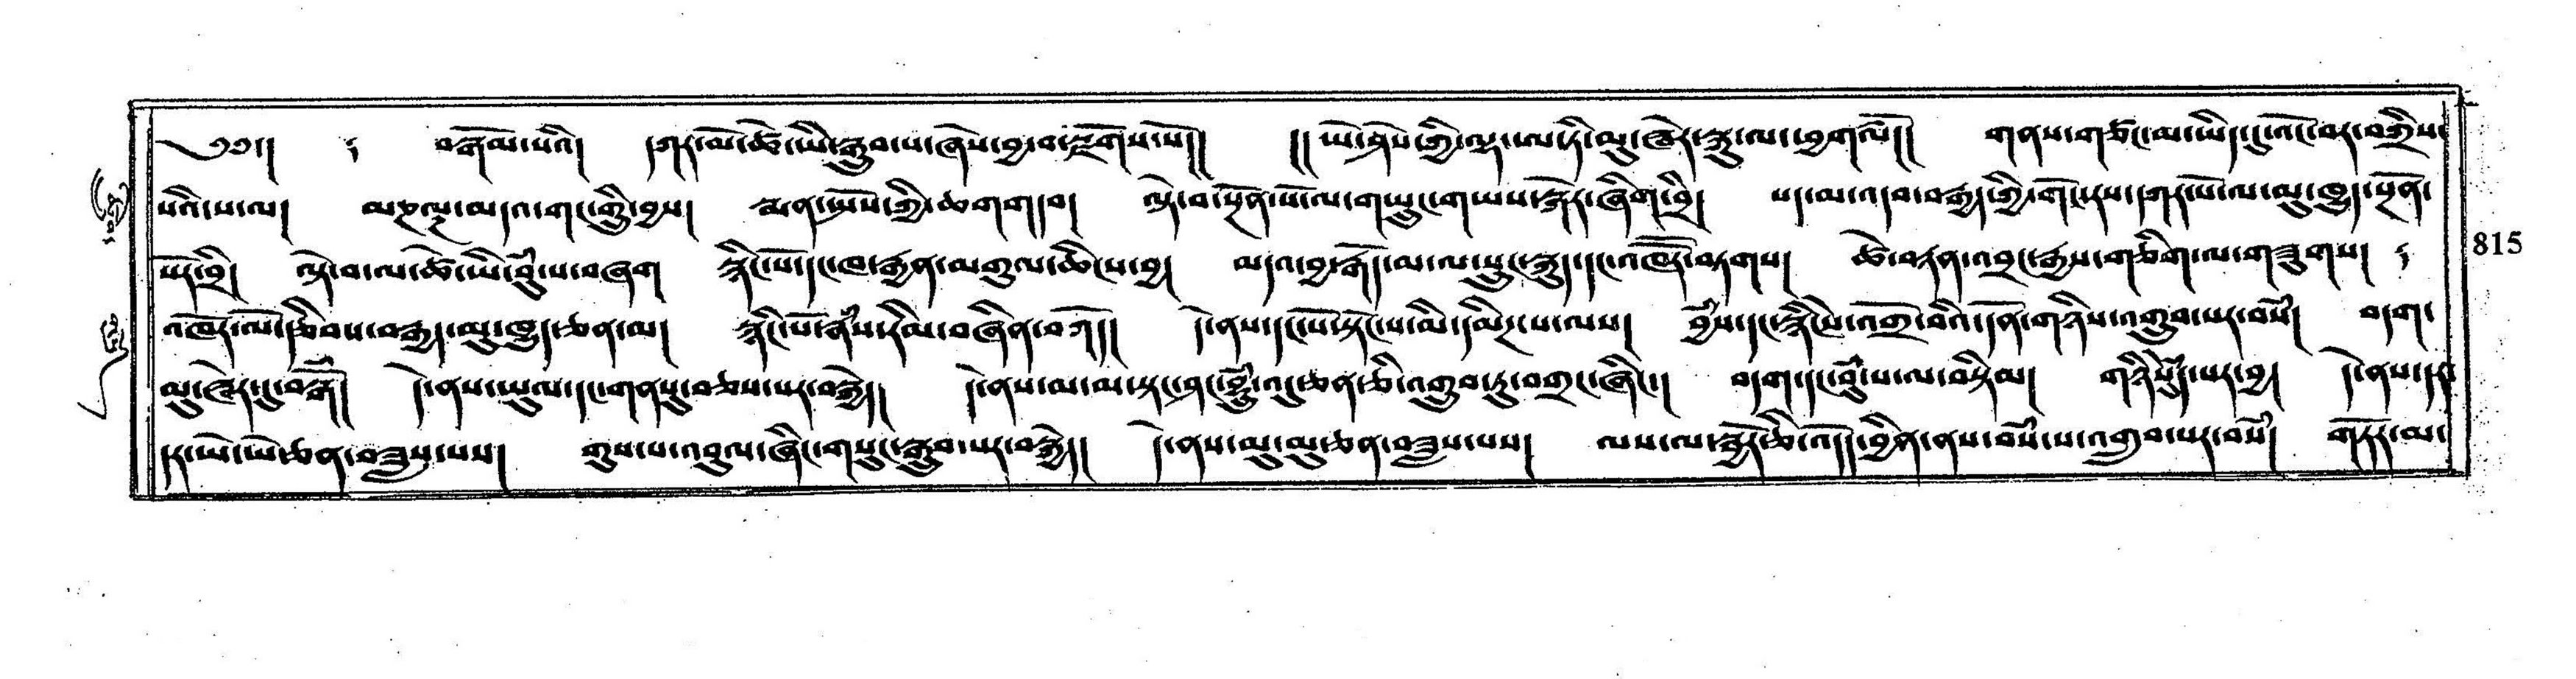བསྒོམ་པའི། དཀར་མོ་ཚེ་ཡི་སྒྲུབ་པ་ཞེས་བྱ་བ་རྫོགས་སོ།། །།ཡེ་ཤེས་ཀྱི་ལྷ་ཨ་ཏི་མུ་ཝེར་སྐུ་ལ་ཕྱག་འཚལ་ལོ།། གནས་གཙང་མ་ཡིད་དུ་འོང་བར་བཀྲ་ཤིས་
པའི་ས་ལ། མཎྜལ་་མདའ་གང་གྲུ་བཞི་བྱས། སྨན་སྤོས་ཀྱི་ཆག་ཆག་གདབ། ལྟེ་བ་སྔོན་པོ་ལ་གཡུང་དྲུང་གཡས་སྐོར་ཞིག་བྲི། པད་མ་འདབ་བརྒྱད་ཀྱི་གོང་རས་དཀར་པོ་ལ་མུ་ཁྱུད་སྔོན་
པོར་བྲི། ལྟེ་བ་ལ་ཚེ་ཡི་བུམ་པ་བཞག སྙིང་པོ་དང་ཁ་རྒྱན་མགུལ་ཆིངས་བྱ། མདའ་བྱ་རྒོད་མ་ལ་སྲུང་སྐུད་དང་འཁོར་ལོ་བཏགས། ཚེ་བརྟན་འབྲང་རྒྱས་གཅིག་ལ་གཟུགས། 
འཁོར་ལོ་རྩིབས་བརྒྱད་མུ་ཁྱུད་ཅན་ལ། སྙིང་པོ་རྣམས་རིམ་བཞིན་བཀོད། དེ་ནས་དང་པོ་སྟོང་པ་མི་དམིགས་པ་ལས། བྱམས་དང་སྙིང་རྗེས་འགྲོ་བའི་དོན་གཉིས་འགྲུབ་པར་བསམ། བདག་
མུ་ཝེར་དུ་བསྒོམ། དེ་ནས་ཡུལ་དང་གནས་སུ་བཅས་པར་བསྐྱེད། དེ་ནས་མ་མ་སྟང་ཤང་བྷྲུཾ་འདུ་ཅན་ཅི་འགྲུབ་ཏུ་བགྲང་ཞིང་། བདག་དང་བུམ་པ་ལ་བསྟིམ། གཉིས་སུ་མེད་པར་བྱ། 
དེ་ནས་དར་དར་ཡེ་ཡེ་ཅན་བཟླས་པས། གུས་པ་འབུལ་ཞིང་གསུང་སྒྲུབ་པར་བསྐྱེད། དེ་ནས་མུ་མུ་ཅན་བཟླས་པས། ལས་ལ་སྦྱོར་ཅི་འདོད་བྱིན་ནས་བསམ་པ་འགྲུབ་པར་བསམ། གཏོར་མ་